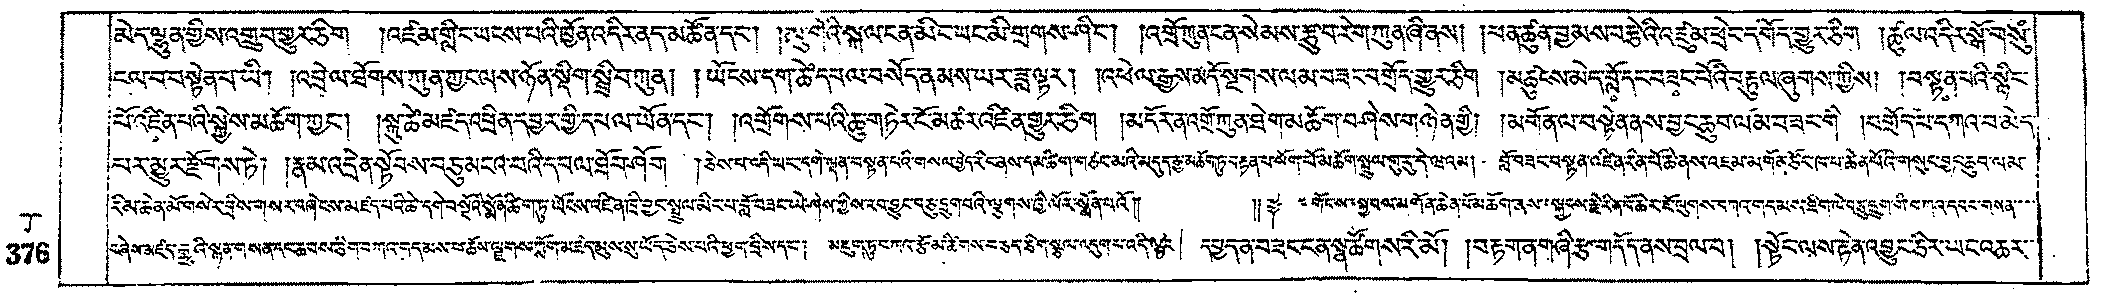མེད་ལྷུན་གྱིས་འགྲུབ་གྱུར་ཅིག །འཛམ་གླིང་ཡངས་པའི་ཁྱོན་འདིར་ནད་མཚོན་དང་། །མུ་གེའི་སྐལ་ངན་མིང་ཡང་མི་གྲགས་ཤིང་། །འགྲོ་ཀུན་ངན་སེམས་རྩུབ་རེག་ཀུན་ཞི་ནས། །ཕན་ཚུན་བྱམས་བརྩེའི་འཛུམ་ཕྲེང་དགོད་གྱུར་ཅིག །ཚུལ་འདིར་སྒོ་གསུཾ་
ངལ་བ་བསྟན་པ་ཡི། །འབྲེལ་ཐོགས་ཀུན་ཀྱང་ལས་ཉོན་སྡིག་སྒྲིབ་ཀུན། །ཡོངས་དག་ཚེ་དཔལ་བསོད་ནམས་ཡར་ཟླ་ལྟར། །འཕེལ་རྒྱས་མདོ་སྔགས་ལམ་བཟང་བགྲོད་གྱུར་ཅིག །མཚུངས་མེད་བློ྾་དང་བཟང྾་པོའི་བརྟུལ་ཞུགས་ཀྱིས། །བསྟན྾་པའི་སྙིང་
པོ་འཛིན྾་པའི་སྐྱེས་མཆོག་ཀྱང་། །སྐུ་ཚེ་མཛད་འཕྲིན་དབྱར་གྱི་དཔལ་ཡོན་དང་། །འགྲོགས་པའི་ཆུ་གཏེར་ངོ་མཚར་འཛིན་གྱུར་ཅིག །མདོར་ན་འགྲོ་ཀུན་ཐེག་མཆོག་བཤེས་གཉེན་གྱི། །མགོན་ལ་བསྟེན་ནས་བྱང་ཆུབ་ལམ་བཟང་གི །བགྲོད་པ་དཀའ་བ་མེད་
པར་མྱུར་རྫོགས་ཏེ། །རྣམ་འདྲེན་སྟོབས་བཅུ་མངའ་བའི་དཔལ་ཐོག་ཤོག །ཅེས་པ་འདི་ཡང་དགེ་ལྡན་བསྟན་པའི་གསལ་བྱེད་རིང་ནས་དམ་ཚིག་གཙང་མའི་མདུད་རྒྱ་མཆོག་ཏུ་བརྟན་པ་སོག་པོ་མཆོག་སྤྲུལ་གུ་རུ་དེ་ཝའམ། བློ་བཟང་བསྟན་འཛིན་རིན་པོ་ཆེ་ནས་འཇམ་མགོན་ཙོང་ཁ་པ་ཆེན་པོའི་གསུང་བྱང་ཆུབ་ལམ་
རིམ་ཆེན་མོ་གསེར་བྲིས་གསར་བཞེངས་མཛད་པའི་ཆེ་དགེ་བསྔོའི་སྨོན་ཚིག་ཏུ་ཡོངས་འཛིན་ཁྲི་བྱང་སྦྲུལ་མིང་པ་བློ་བཟང་ཡེ་ཤེས་ཀྱིས་རབ་བྱུང་བཅུ་དྲུག་པའི་ལྕགས་ཁྱི་ལོར་སྨོན་པའོ།། །། འ ༧གོང་ས ༧སྐྱབས་མགོན་ཆེན་པོ་མཆོག་ནས ༧སྐྱབས་རྗེ་རིན་པོ་ཆེར་ཇོ་ལུགས་བཀའ་གདམས་ཐིག་ལེ་བཅུ་དྲུག་གི་བཀའ་དབང་གསན་་་
བཞེས་མཛད་རྒྱུའི་སྙན་གསན་དང་ཆབས་ཅིག་བཀའ་གདམས་ཕ་ཆོས་ལྗགས་ཀློག་མཛད་མུས་སུ་ཡོད་ཅེས་པའི་ཕྱག་བྲིས་དང་། མཇུག་ཏུ་བཀའ་རྩོམ་ཚིགས་བཅད་ཅིག་སྩལ་འདུག་པ་འདི་ལྟར། དཔྱད་ན་བཟང་ངན་སྣ་ཚོགས་རི་མོ། །བརྟག་ན་གཞི་རྩ་གདོད་ནས་བྲལ་བ། །སྟོང་ལས་རྟེན་འབྱུང་ཅིར་ཡང་འཆར་་་